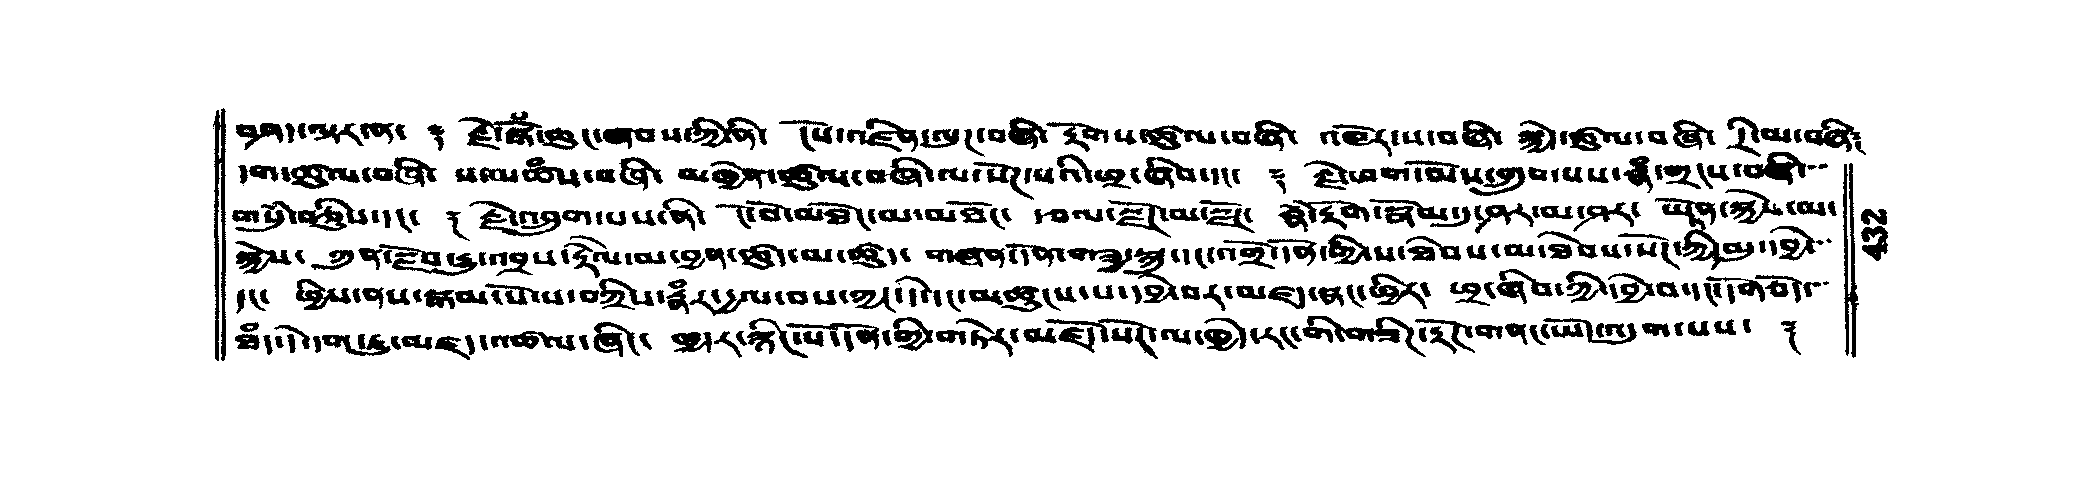བཤད་ལྟར་ན། ༈ རྗེ་སྒོམ་ཆུང་ཞབས་ཀྱིས་ནི། ངོས་འཛིན་ལུགས་བཞི། རྟོགས་ལུགས་བཞི། འཁོར་ས་བཞི། སྐྱེད་ཚུལ་བཞི། དྲི་མ་བཞི། 
དག་ཚུལ་བཞི། ས་མཚམས་བཞི། མཁྱེན་ཚུལ་བཞི་ལ་སོགས་པའི་ཕྲ་ཞིབ་དང་། ༈ རྗེ་ཕག་མོས་གྲུབ་པས་རྣམ་གྲངས་བཞི་
གསུམ་བཅུ་གཉིས་དང་། ༈ རྗེ་འབྲུག་པས་ནི། ངོ་བོ་མཐོང་མ་མཐོང་། རྩལ་རྫོགས་མ་རྫོགས། རྣམ་རྟོག་སྒོམ་དུ་ཤར་མ་ཤར། ཡོན་ཏན་སྐྱེས་མ་
སྐྱེས། ཀུན་རྫོབ་རྒྱུ་འབྲས་རྟེན་འབྲེལ་མ་བྱན་ཚུད་མ་ཚུད། གཞན་དོན་གཟུགས་སྐུ་དང་འགྲོ་དོན་ས་ཐེབས་མ་ཐེབས་སོགས་ཀྱི་མུ་དབྱེ་
དང་། ཕྱིས་ནས་སྒམ་པོ་པ་བཀྲ་ཤིས་རྣམ་རྒྱལ་བས་ཀྱང་དེ་དང་མཚུངས་པ་དབྱེ་བར་མཛད་སྣང་ཕྱིར། ཕྲ་ཞིབ་ཀྱི་དབྱེ་བ་དང་དོགས་གཅོད་
ཐམས་ཅད་དེ་དག་ཏུ་མཛད་འཆལ་ཞིང་། ཁྱད་པར་སྙིང་པོ་དོན་གྱི་གཏེར་མཛོད་སོགས་ལ་ཁྱོད་རང་གི་གཟིགས་རྟོགས་གནང་ཡོད་པ་འདུག་པས། ༈